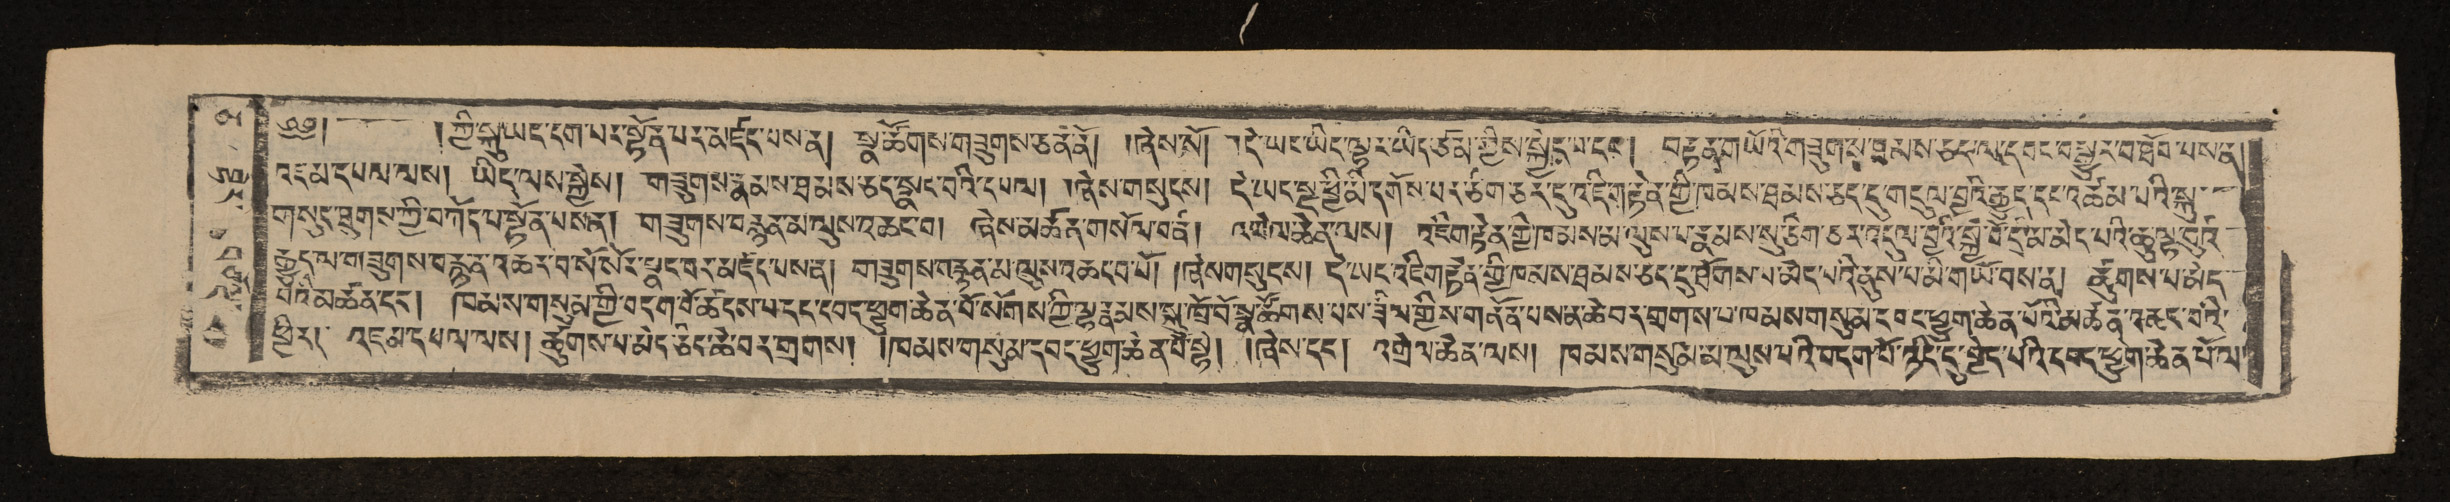༄༅། །ཀྱི་སྐུ་ཡང་དག་པར་སྟོན་པར་མཛད་བས་ན། སྣ་ཚོགས་གཟུགས་ཅན་ནོ། །ཞེས་སོ། །དེ་ཡང་ཡིད་ལྟར་ཡིད་ཙམ་གྱིས་སྐྱེད་པ་དང་། བརྟན་གཡོའི་གཟུགས་ཐམས་ཅད་ལ་དབང་བསྒྱུར་པ་ཐོབ་པས་ན།
འཇམ་དཔལ་ལས། ཡིད་ལས་སྐྱེས། གཟུགས་རྣམས་ཐམས་ཅད་སྣང་བའི་དཔལ། །ཞེས་གསུངས། དེ་ཡང་སྔ་ཕྱི་མི་དགོས་པར་ཅིག་ཅར་དུ་འཇིག་རྟེན་གྱི་ཁམས་ཐམས་ཅད་དུ་གདུལ་བྱའི་རྒྱུད་དང་འཚམ་པའི་སྐུ་
གསུང་ཐུགས་ཀྱི་བཀོད་པ་སྟོན་པས་ན། གཟུགས་བརྙན་མ་ལུས་འཆང་བ། ཞེས་མཚན་གསོལ་བ་ནི། འགྲེལ་ཆེན་ལས། འཇིག་རྟེན་གྱི་ཁམས་མ་ལུས་པ་རྣམས་སུ་ཅིག་ཅར་འདུལ་བྱའི་སྐྱེ་བོ་དྲི་མ་མེད་པའི་ཆུ་ལྟ་བུའི་
རྒྱུད་ལ་གཟུགས་བརྙན་འཆར་བ་སོ་སོར་སྣང་བར་མཛད་པས་ན། གཟུགས་བརྙན་མ་ལུས་འཆང་བ་པོ། །ཞེས་གསུངས། དེ་ཡང་འཇིག་རྟེན་གྱི་ཁམས་ཐམས་ཅད་དུ་ཐོགས་པ་མེད་པའི་ནུས་པ་མི་གཡོ་བས་ན། ཚུགས་པ་མེད་
པའི་མཚན་དང་། ཁམས་གསུམ་གྱི་བདག་པོ་ཚངས་པ་དང་དབང་ཕྱུག་ཆེན་པོ་སོགས་ཀྱི་ལྷ་རྣམས་སྐུ་ཁྲོ་བོ་སྣ་ཚོགས་པས་ཟིལ་གྱིས་གནོན་པས་ན་ཆེ་བར་གྲགས་པ་ཁམས་གསུམ་དབང་ཕྱུག་ཆེན་པོའི་མཚན་འཆང་བའི་
ཕྱིར༑ འཇམ་དཔལ་ལས། ཚུགས་པ་མེད་ཅིང་ཆེ་བར་གྲགས། །ཁམས་གསུམ་དབང་ཕྱུག་ཆེན་པོ་སྟེ། །ཞེས་དང་། འགྲེལ་ཆེན་ལས། ཁམས་གསུམ་མ་ལུས་པའི་བདག་པོ་ཉིད་དུ་བྱེད་པའི་དབང་ཕྱུག་ཆེན་པོ་ལ་